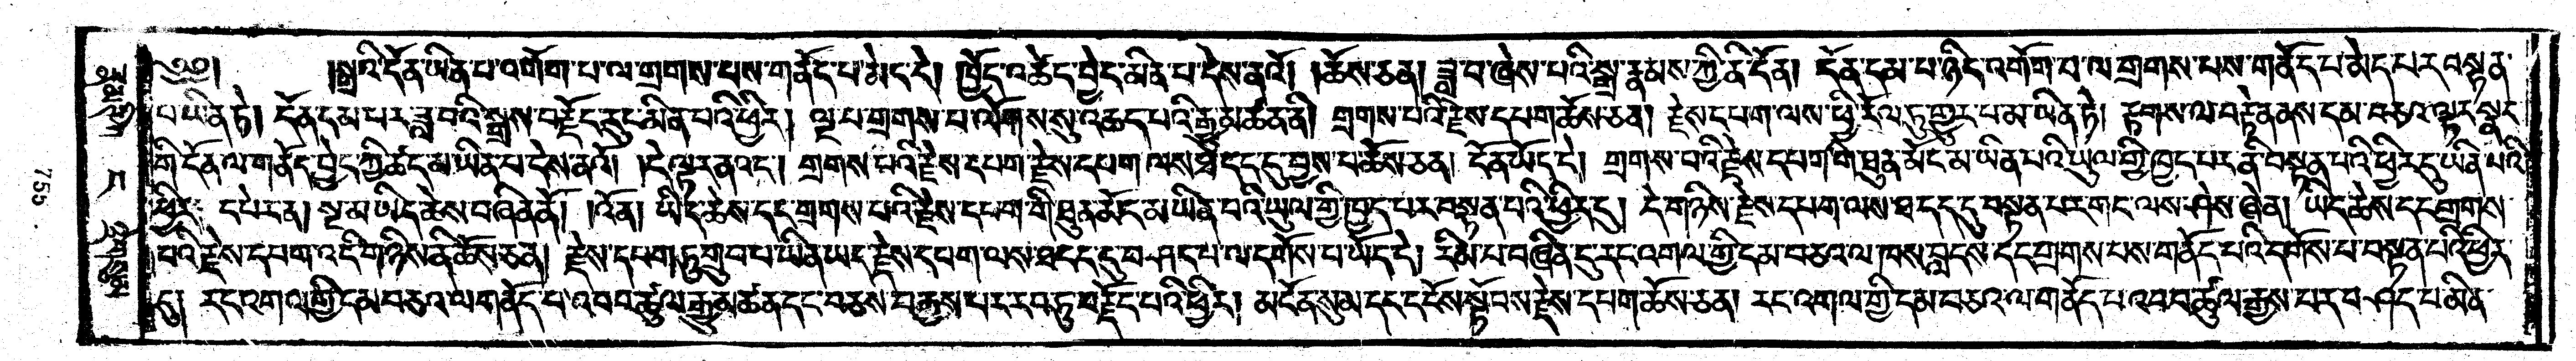༄༅། །སྒྲའི་དོན་ཡིན་པ་འགོག་པ་ལ་གྲགས་པས་གནོད་པ་མེད་དེ། ཁྱོད་འཚེད་བྱེད་མིན་པ་དེས་ནའོ། །ཆོས་ཅན། ཟླ་བ་ཞེས་པའི་སྒྲ་རྣམས་ཀྱི་ནི་དོན། དོན་དམ་པ་ཉིད་འགོག་བ་ལ་གྲགས་པས་གནོད་པ་མེད་པར་བསྟན་
པ་ཡིན་ཏེ། དོན་དམ་པར་ཟླ་བའི་སྒྲས་བརྗོད་རུང་མིན་པའི་ཕྱིར། ལྔ་པ་གྲགས་པ་ལོགས་སུ་འཆད་པའི་རྒྱུ་མཚན་ནི། གྲགས་པའི་རྗེས་དཔག་ཆོས་ཅན། རྗེས་དཔག་ལས་ཕྱི་རོལ་ཏུ་གྱུར་པ་མ་ཡིན་ཏེ། རྟགས་ལ་བརྟེན་ནས་དམ་བཅའ་ལྟར་སྣང་
གི་དོན་ལ་གནོད་བྱེད་ཀྱི་ཚད་མ་ཡིན་པ་དེས་ནའོ། །དེ་ལྟར་ནའང་། གྲགས་བའི་རྗེས་དཔག་རྗེས་དཔག་ལས་ཐ་དད་དུ་བྱས་པ་ཆོས་ཅན། དོན་ཡོད་དེ། གྲགས་པའི་རྗེས་དཔག་གི་ཐུན་མོང་མ་ཡིན་པའི་ཡུལ་གྱི་ཁྱད་པར་ནི་བསྟན་པའི་ཕྱིར་དུ་ཡིན་པའི་
ཕྱིར༑ དཔེར་ན། སྔ་མ་ཡིད་ཆེས་བཞིན་ནོ། །འོ་ན། ཡིད་ཆེས་དང་གྲགས་པའི་རྗེས་དཔག་གི་ཐུན་མོང་མ་ཡིན་པའི་ཡུལ་གྱི་ཁྱད་པར་བསྟན་པའི་ཕྱིར་དུ། དེ་གཉིས་རྗེས་དཔག་ལས་ཐ་དད་དུ་བསྟན་པར་གང་ལས་ཤེས་ཞེ་ན། ཡིད་ཆེས་དང་གྲགས་
པའི་རྗེས་དཔག་འདི་གཉིས་ནི་ཆོས་ཅན། རྗེས་དཔག་ཏུ་གྲུབ་པ་ཡིན་ཡང་རྗེས་དཔག་ལས་ཐ་དད་དུ་བཤད་པ་ལ་དགོས་པ་ཡོད་དེ། རིམ་པ་བཞིན་དུ་རང་འགལ་གྱི་དམ་བཅའ་ལ་ཁས་བླངས་དང་གྲགས་པས་གནོད་པའི་དགོས་པ་བསྟན་པའི་ཕྱིར་
དུ། རང་འགལ་གྱི་དམ་བཅའ་ལ་གནོད་པ་འབབ་ཚུལ་རྒྱུ་མཚན་དང་བཅས་བ་རྒྱས་པར་རབ་ཏུ་བརྗོད་པའི་ཕྱིར། མངོན་སུམ་དང་དངོས་སྟོབས་རྗེས་དཔག་ཆོས་ཅན། རང་འགལ་གྱི་དམ་བཅའ་ལ་གནོད་པ་འབབ་ཚུལ་རྒྱས་པར་བཤད་པ་མིན་